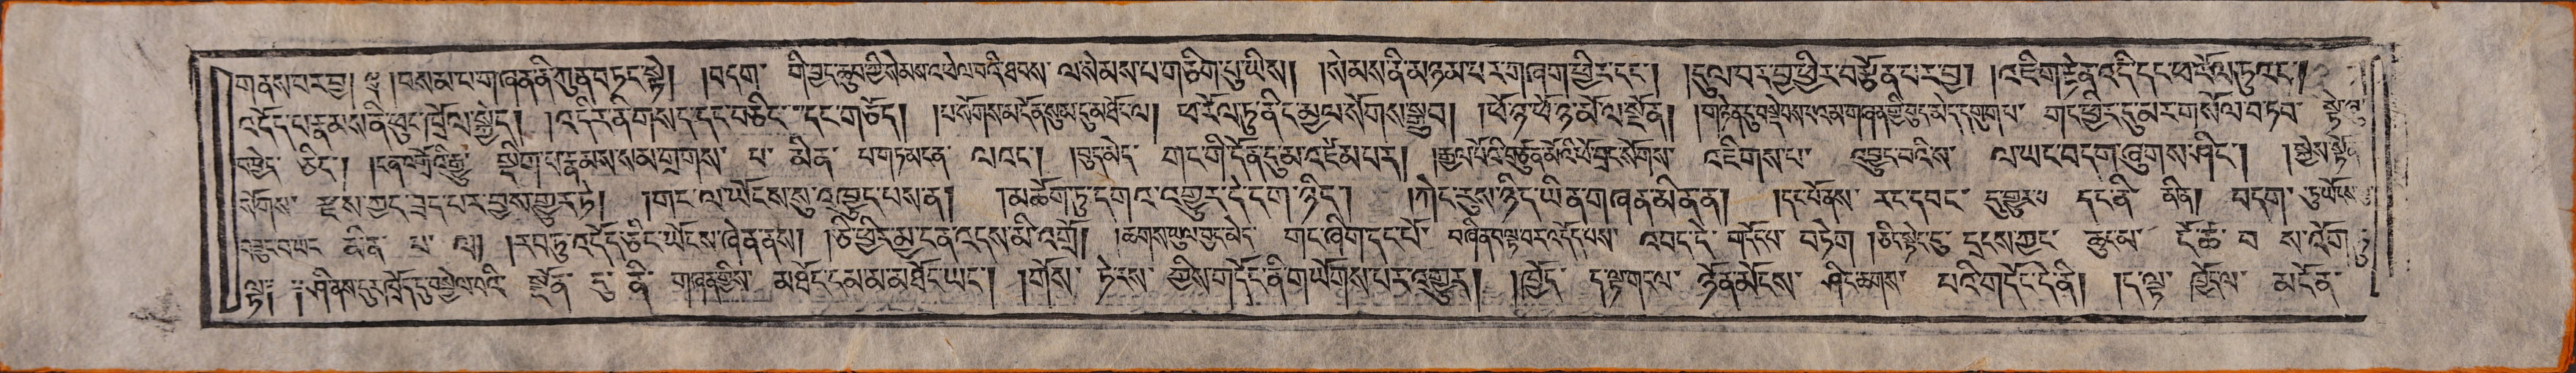གནས་པར་བྱ། ༈ །བསམ་པ་གཞན་ནི་ཀུན་བཏང་སྟེ། །བདག་གི་བྱང་ཆུབ་ཀྱི་སེམས་འཕེལ་བའི་ཐབས་ལ་སེམས་པ་གཅིག་པུ་ཡིས། །སེམས་ནི་མཉམ་པར་གཞག་ཕྱིར་དང་།དུལ་བར་བྱ་ཕྱི་བརྩོན་པར་བྱ། །འཇིག་རྟེན་འདི་དན་ཕལ་རོལ་ཏུའང་། །
འདོད་པ་རྣམས་ནི་ཕུང་ཁྲོལ་སྐྱེད། །འདིར་ནི་གསད་དང་བཅིང་དང་གཅོད། །པ་སོགས་མངོན་སུམ་དུ་མཐོང་ལ།  ཕ་རོལ་ཏུ་ནི་དམྱལ་སོགས་སྒྲུབ། །ཕོ་ཉ་ཕོ་ཉ་མོ་ལ་སྔོན། །གཉེན་དུ་བསྡེབས་པའམ་གཞན་གྱི་བུད་མེད་དགུག་པ་གང་ཕྱིར་དུ་མར་གསོལ་བ་ཐབ་སྟེ་ཞུ་
བ་བྱེད་ཅིང་། །ངན་འགྲོའི་རྒྱུ་སྡིག་པ་རྣམས་སམ་གྲགས་པ་མིན་པ་གཏམ་ངན་ལའང་། །བུད་མེད་གང་གི་དོན་དུ་མ་འཛེམས་པར། །རྒྱལ་པོའི་བཙུན་མོའི་ཕྲོ་བྲང་སོགས་འཇིགས་པ་འབྱུང་བའི་ས་ལ་ཡང་བདག་ཞུགས་ཤིང་། །སྐྱེས་སྟོན་
སོགས་རྫས་ཀྱང་ཟད་པར་བྱས་གྱུར་ཏེ། །གང་ལ་ཡོངས་སུ་འཁྱུད་པས་ན། །མཆོག་ཏུ་དགའ་འགྱུར་དེ་དག་ཉིད། །གེང་རུས་ཉིད་ཡིན་གཞན་མིན་ན། །དང་པོ་ནས་རྣ་དབང་དུ་གྱུར་པ་དང་ནི་མིན།  བདག་ཏུ་ཡོངས་སུ་
བཟུང་བ་ཡང་མིན་པ་ལ། །རབ་ཏུ་འདོད་ཅིང་ཡོངས་ཞེན་ནས། །ཅི་ཕྱིར་མྱ་ངན་འདས་མི་འགྲོ། །ཆགས་ཡུལ་བུད་མེད་གང་ཞིག་དང་པོ་བཞིན་བལྟ་བར་འདོད་པས་འབད་དེ་གདོང་པ་བཏེག། །ཅིང་སྟེང་དུ་དྲངས་ཀྱང་ཆུང་མ་ངོ་ཚ་བ་ས་འོག་ཏུ་
ལྟ༑ ༑ ཤི་ནས་དུར་ཁྲོད་དུ་བསྐྱེལ་བའོ་སྔོན་དུ་ནི་གཞན་གྱིས་མཐོང་ངམ་མ་མཐོང་ཡང་། །གོས་ཏེ་རས་ཀྱིས་གདོང་ནི་གཡོགས་པར་འགྱུར། །ཁྱོད་ད་ལྟ་གང་ལ་ཉོན་མོངས་ཤིང་ཆགས་པའི་གདོང་དེ་ནི། །ད་ལྟ་ཁྱོད་ལ་མངོན་